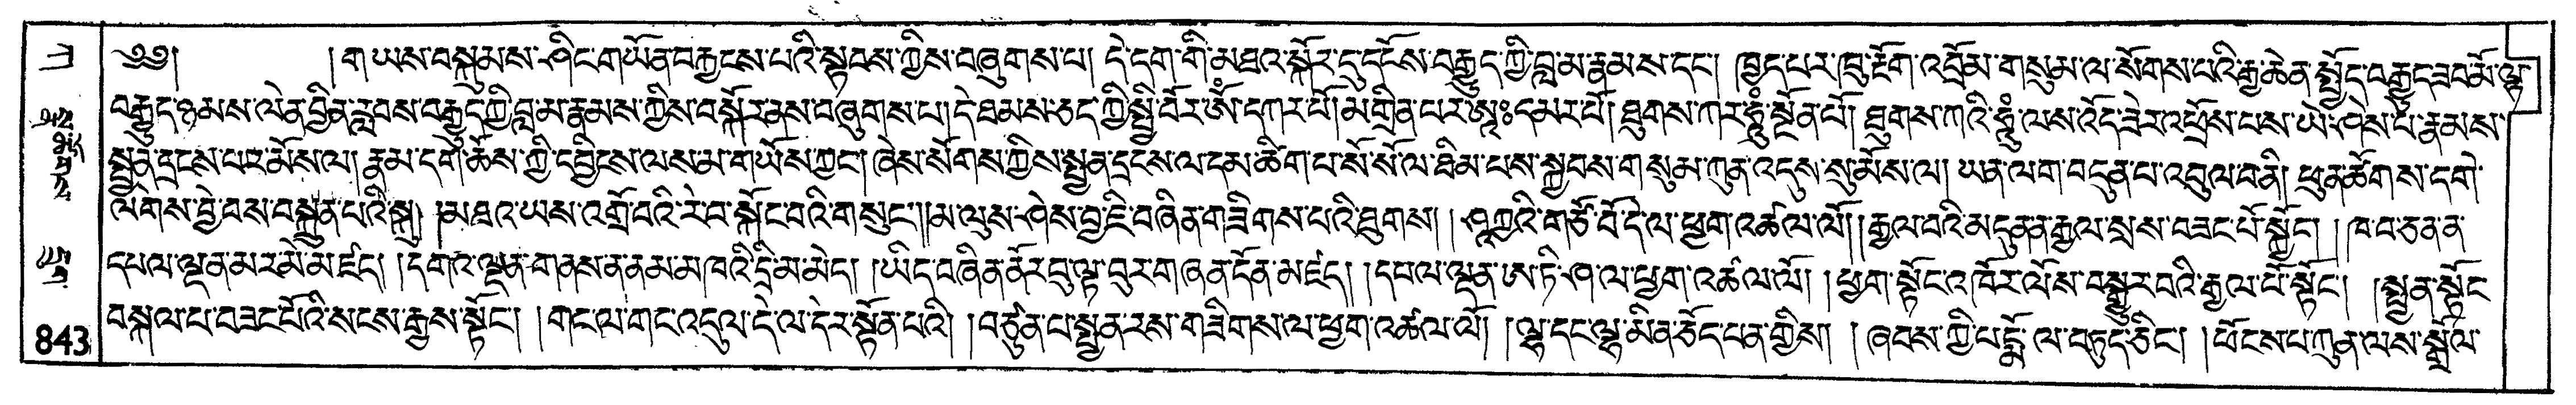༄༅། །གཡས་བསྐུམས་ཤིང་གཡོན་བརྐྱངས་པའི་སྟབས་ཀྱིས་བཞུགས་པ། དེ་དག་གི་མཐའ་སྐོར་དུ་དངོས་བརྒྱུད་ཀྱི་བླ་མ་རྣམས་དང་། ཁྱད་པར་ཁུ་རྔོག་འབྲོམ་གསུམ་ལ་སོགས་པའི་རྒྱ་ཆེན་སྤྱོད་བརྒྱུད་ཟབ་མོ་ལྟ་
བརྒྱུད་ཉམས་ལེན་བྱིན་རླབས་བརྒྱུད་ཀྱི་བླ་མ་རྣམས་ཀྱིས་བསྐོར་ནས་བཞུགས་པ། དེ་ཐམས་ཅད་ཀྱི་སྤྱི་བོར་ཨོཾ་དཀར་པོ། མགྲིན་པར་ཨཱཿ དམར་པོ། ཐུགས་ཀར་ཧཱུཾ་སྔོན་པོ། ཐུགས་ཀའི་ཧཱུཾ་ལས་འོད་ཟེར་འཕྲོས་པས་ཡེ་ཤེས་པ་རྣམས་
སྤྱན་དྲངས་པར་མོས་ལ། རྣམ་དག་ཆོས་ཀྱི་དབྱིངས་ལས་མ་གཡོས་ཀྱང་། ཞེས་སོགས་ཀྱིས་སྤྱན་དྲངས་ལ་དམ་ཚིག་པ་སོ་སོ་ལ་ཐིམ་པས་སྐྱབས་གསུམ་ཀུན་འདུས་སུ་མོས་ལ། ཡན་ལག་བདུན་པ་འབུལ་བ་ནི། ཕུན་ཚོགས་དགེ་
ལེགས་བྱེ་བས་བསྐྲུན་པའི་སྐུ། །མཐའ་ཡས་འགྲོ་བའི་རེ་བ་སྐོང་བའི་གསུང་། །མ་ལུས་ཤེས་བྱ་ཇི་བཞིན་གཟིགས་པའི་ཐུགས། །ཤཱཀྱའི་གཙོ་བོ་དེ་ལ་ཕྱག་འཚལ་ལོ། །རྒྱལ་བའི་མདུན་ན་རྒྱལ་སྲས་བཟང་པོ་སྐྱོང་། །ཁ་བ་ཅན་ན་
དཔལ་ལྡན་མར་མེ་མཛད། །དགའ་ལྡན་གནས་ན་ནམ་མཁའི་དྲི་མ་མེད། །ཡིད་བཞིན་ནོར་བུ་ལྟ་བུར་གཞན་དོན་མཛད། །དཔལ་ལྡན་ཨ་ཏི་ཤ་ལ་ཕྱག་འཚལ་ལོ། །ཕྱག་སྟོང་འཁོར་ལོས་བསྒྱུར་བའི་རྒྱལ་པོ་སྟོང་། །སྤྱན་སྟོང་
བསྐལ་པ་བཟང་པོའི་སངས་རྒྱས་སྟོང་། །གང་ལ་གང་འདུལ་དེ་ལ་དེར་སྟོན་པའི། །བཙུན་པ་སྤྱན་རས་གཟིགས་ལ་ཕྱག་འཚལ་ལོ། །ལྷ་དང་ལྷ་མིན་ཅོད་པན་གྱིས། །ཞབས་ཀྱི་པདམོ་ལ་བཏུད་ཅིང་། །ཕོངས་པ་ཀུན་ལས་སྒྲོལ་